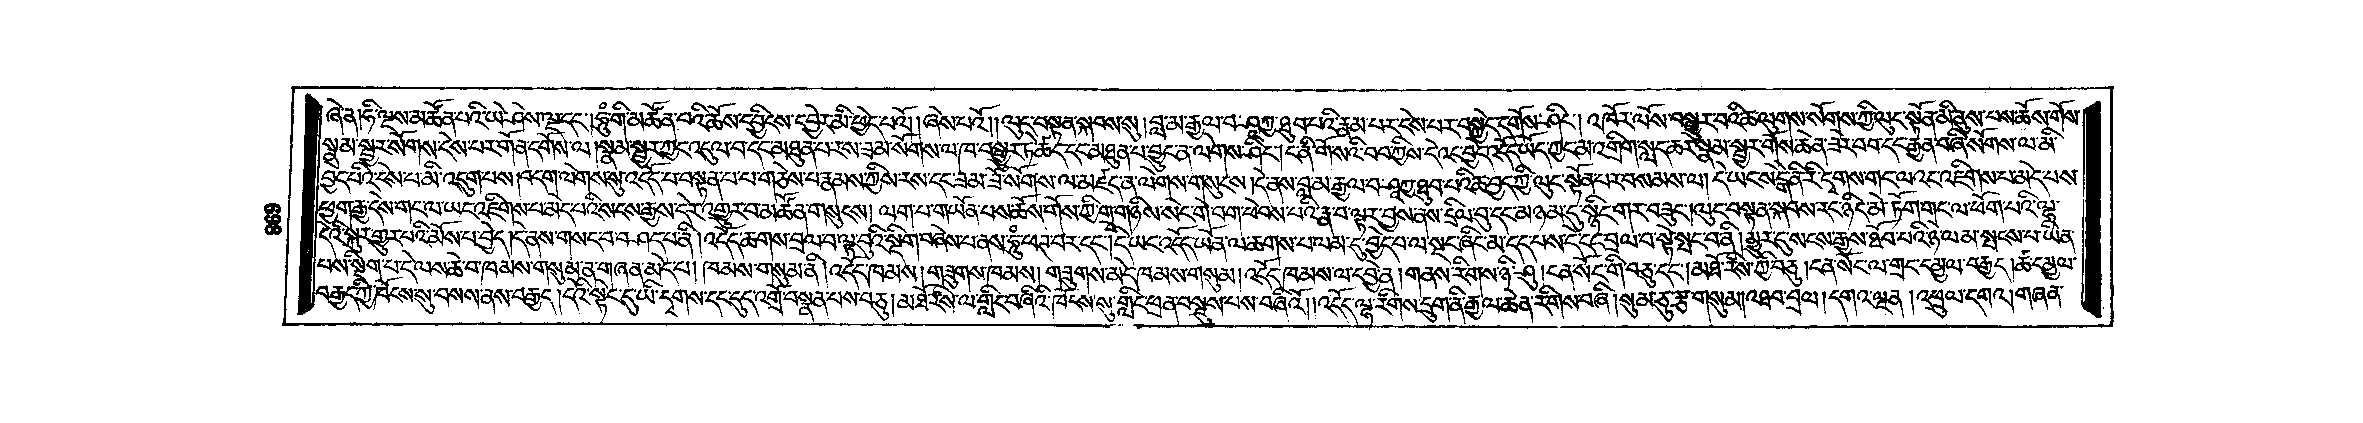ཞེ་ན། ཧི་ལྔས་མཚོན་པའི་ཡེ་ཤེས་ལྔ་དང་། ཧཱུཾ་གི་མཚོན་པའི་ཆོས་དབྱིངས་དབྱེར་མི་ཕྱེད་པའོ། །ཞེས་པའོ། །ལུང་བསྟན་སྐབས་སུ། བླ་མ་རྒྱལ་བ་ཤཱཀྱ་ཐུབ་པའི་རྣམ་པར་ངེས་པར་བསྐྱེད་དགོས་ཤིང་། འཁོར་ལོས་བསྒྱུར་བའི་ཆ་ལུགས་སོགས་ཀྱི་ལུང་སྟོན་མི་ནུས་པས་ཆོས་གོས་
སྣམ་སྦྱར་སོགས་ངེས་པར་གོན་དགོས་ལ། སྣམ་སྦྱར་ཀྱང་འདུལ་བ་དང་མཐུན་པ་རས་ཟམ་སོགས་ལ་ཁ་བསྒྱུར་ཏེ་ཚད་དང་མཐུན་པ་བྱུང་ན་ལེགས་ཤིང་། ང་ནི་གོ་སའི་བབ་ཀྱིས་དེའང་བྱེད་འདོད་ཡོད་ཀྱང་མ་འགྲིག་སླད་ཆར་སྣམ་སྦྱར་གོས་ཆེན་ཟེར་བབ་དང་རྒྱན་བཞི་སོགས་ལ་མི་
བྱེད་པའི་ངེས་པ་མི་འདུག་པས། བདག་ལེགས་སུ་འདོད་པ་བསྟན་པ་པ་གཅེས་པ་རྣམས་ཀྱིས་རས་དང་ཟམ་ཟོ་སོགས་ལ་མཛད་ན་ལེགས་གསུངས། དེ་ནས་བླ་མ་རྒྱལ་བ་ཤཱཀྱ་ཐུབ་པའི་ཆ་བྱད་ཀྱི་ལུང་སྟོན་པར་བསམས་ལ། དེ་ཡང་སེངྒེ་ནི་རི་དྭགས་གང་ལའང་འཇིགས་པ་མེད་པས་
ཕྱག་རྒྱ་དེས་གང་ལ་ཡང་འཇིགས་པ་མེད་པའི་སངས་རྒྱས་དེར་འགྱུར་བ་མཚོན་གསུངས། ལག་པ་གཡོན་པས་ཆོས་གོས་ཀྱི་གྲྭ་གཉིས་སེང་གེ་བག་ཕེབས་པའི་རྣ་བ་ལྟར་བྱས་ནས་དྲིལ་བུ་དང་མཉམ་དུ་སྙིང་གར་བཟུང་། ལུང་བསྟན་བསྟན་སྐབས་རང་ཉིད་མེ་ཏོག་གང་ལ་ཕོག་པའི་ལྷ་
དེའི་སྐུར་གྱུར་པའི་མོས་པ་བྱེད། དེ་ནས་གསང་བ་བཤད་པ་ནི། འདོད་ཆགས་བྲལ་བ་ལྟ་བུའི་སྡིག་བཞེས་པ་ནས་ཧཱུཾ་ཕགས་བར་དང་། དེ་ཡང་འདོད་ཡོན་ལ་ཆགས་པ་ལམ་དུ་བྱེད་པ་ལ་སྡང་ཞིང་མ་དད་པས་དེ་དང་བྲལ་བ་སྟེ་སྤང་བ་ནི། མྱུར་དུ་སངས་རྒྱས་ཐོབ་པའི་ཉེ་ལམ་སྤངས་པ་ཡིན་
པས་སྡིག་པ་དེ་ལས་ཆེ་བ་ཁམས་གསུམ་ན་གཞན་མེད་པ། ཁམས་གསུམ་ནི། འདོད་ཁམས། གཟུགས་ཁམས། གཟུགས་མེད་ཁམས་གསུམ། འདོད་ཁམས་ལ་དབྱེ་ན། གནས་རིགས་ཉི་ཤུ། ངན་སོང་གི་བཅུ་དང་། མཐོ་རིས་ཀྱི་བཅུ། ངན་སོང་ལ་གྲང་དམྱལ་བརྒྱད། ཚ་དམྱལ་
བརྒྱད་ཀྱི་ཁོངས་སུ་བསས་ནས་བརྒྱད། དེའི་སྟེང་དུ་ཡི་དྭགས་དང་དུད་འགྲོ་བསྣན་པས་བཅུ། མཐོ་རིས་ལ་གླིང་བཞིའི་ཁོངས་སུ་གླིང་ཕྲན་བསྡུས་པས་བཞིའོ། །འདོད་ལྷ་རིགས་དྲུག་ནི་རྒྱལ་ཆེན་རིགས་བཞི། སུམ་ཅུ་རྩ་གསུམ། འཐབ་བྲལ། དགའ་ལྡན། འཕྲུལ་དགའ། གཞན་